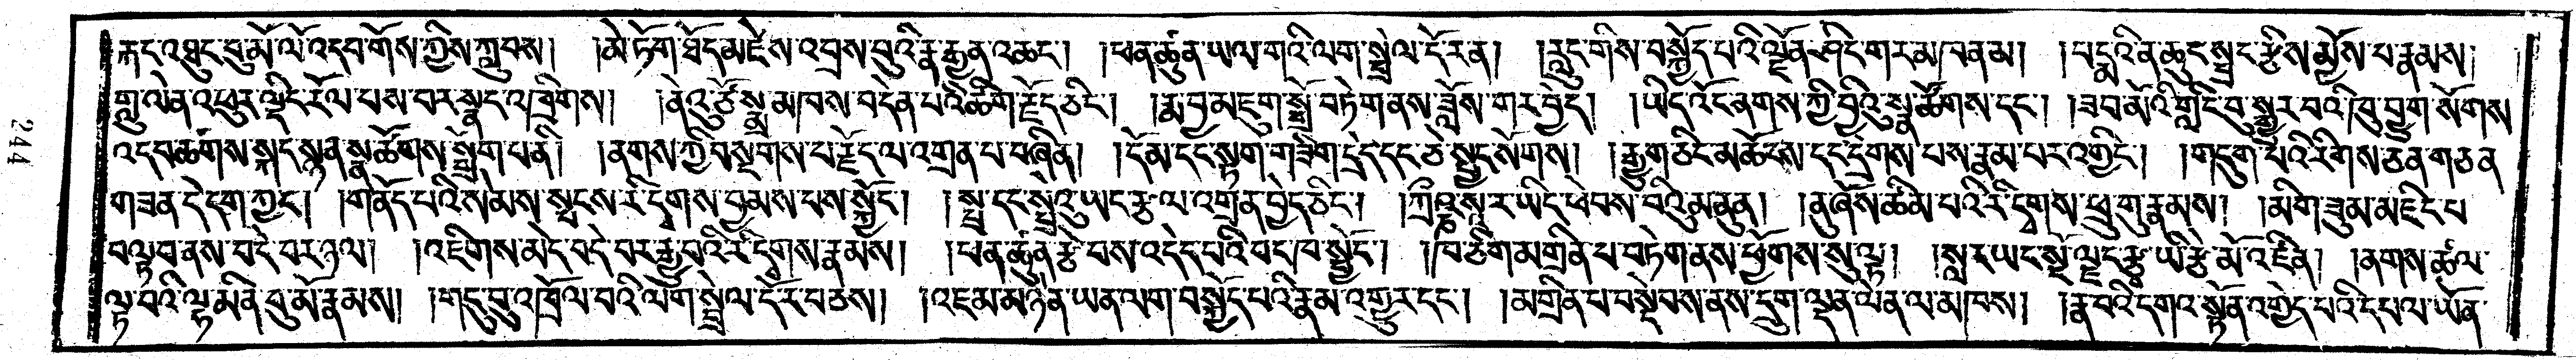རྐང་འཐུང་བུ་མོ་ལོ་འདབ་གོས་ཀྱིས་ཀླུབས། །མེ་ཏོག་ཐོད་མཛེས་འབྲས་བུའི་རྣ་རྒྱན་འཆང་། །ཕན་ཚུན་ཡལ་གའི་ལག་སྦྲེལ་དོར་ན། །རླུང་གིས་བསྐྱོད་པའི་ལྗོན་ཤིང་གར་མཁན་མ། །པདམའི་ན་ཆུང་སྦྲང་རྩིས་མྱོས་པ་རྣམས། །
གླུ་ལེན་འཕུར་ལྡིང་རོལ་པས་བར་སྣང་འཁྲིགས། །ནེའུ་ཙོ་སྨྲ་མཁས་བདེན་པའི་ཚིག་རྗོད་ཅིང་། །རྨ་བྱ་མཇུག་སྒྲོ་བཏེག་ནས་ཟློས་གར་བྱེད། །ཡིད་འོང་ནགས་ཀྱི་བྱིའུ་སྣ་ཚོགས་དང་། །ཟབ་མོའི་གླིང་བུ་སྒྱུར་བའི་ཁུ་བྱུག་སོགས་
འདབ་ཆགས་སྐད་སྙན་སྣ་ཚོགས་སྒྲོག་པ་ནི། །ནགས་ཀྱི་བསྔགས་པ་རྗོད་ལ་འགྲན་པ་བཞིན། །དོམ་དང་སྟག་གཟིག་དྲེད་དང་ཅེ་སྦྱང་སོགས། །རྒྱུག་ཅིང་མཆོངས་དང་དྲེགས་པས་རྣམ་པར་འགྱིང་། །གདུག་པའི་རིགས་ཅན་གཅན་
གཟན་དེ་དག་ཀྱང་། །གནོད་པའི་སེམས་སྤངས་རི་དྭགས་བྱམས་པས་སྐྱོང་། །སྤྲ་དང་སྤྲེའུ་ཡང་རྩལ་འགྲན་བྱེད་ཅིང་། །ཀྲྀཥྞ་སཱ་ར་ཡིད་ཕེབས་བིའུ་མ་ནུན། །ནུ་ཞོས་ཚིམ་པའི་རི་དྭགས་ཕྲུ་གུ་རྣམས། །མིག་ཟུམ་མཇིད་པ་
བལྟབ་ནས་བདེ་བར་ཉལ། །འཇིགས་མེད་བདེ་བར་རྒྱུ་བའི་རི་དྭགས་རྣམས། །ཕན་ཚུན་རྩེ་བས་འདེད་པའི་བང་ཁ་སྦྱོང་། །ཁ་ཅིག་མགྲིན་པ་བཏེག་ནས་ཕྱོགས་སུ་ལྟ། །སླར་ཡང་སྔོ་ལྗང་རྩྭ་ཡི་རྩེ་མོ་འཛིན། །ནགས་ཚལ་
ལྟ་བའི་ལྷ་མིན་བུ་མོ་རྣམས། །གདུ་བུ་འཁྲོལ་བའི་ལག་སྦྲེལ་དོ་ར་བཅས། །འཇམ་མཉེན་ཡན་ལག་བསྐྱོད་པའི་རྣམ་འགྱུར་དང་། །མགྲིན་པ་བསྡེབས་ནས་དྲུག་ལྡན་ལེན་ལ་མཁས། །རྣ་བའི་དགའ་སྟོན་འགྱེད་པའི་དཔལ་ཡོན་